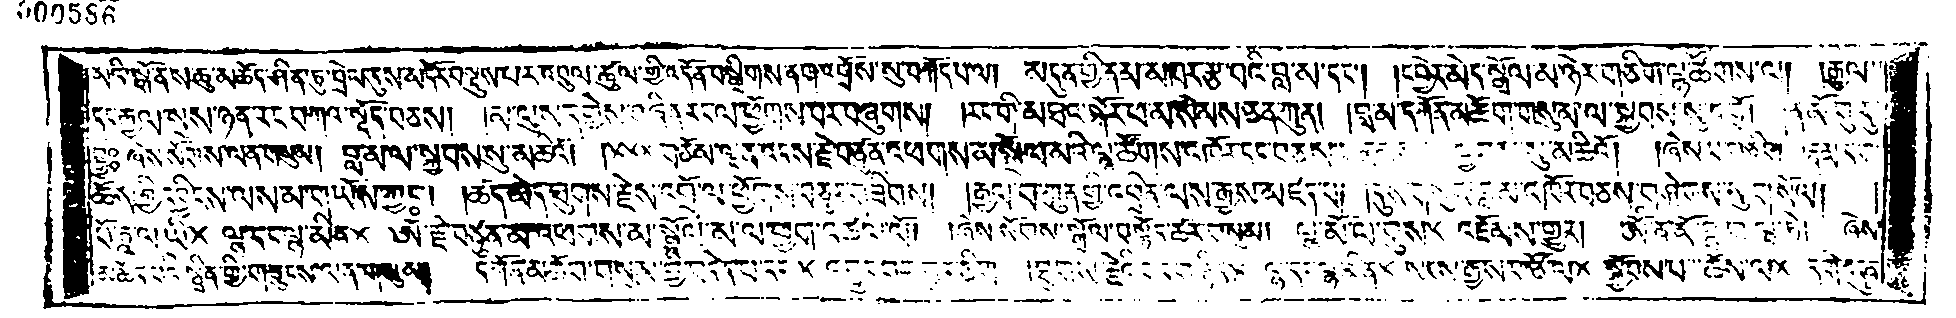མའི་སྒོ་ནས་ཆུ་མཆོད་ཤིན་ཏུ་བྲེལ་དུས་མདོར་བསྡུས་པར་འབུལ་ཚུལ་གྱི་འདོན་བསྒྲིགས་ནག་འགྲོས་སུ་བཀོད་པ་ལ། མདུན་གྱི་ནམ་མཁར་རྩ་བའི་བླ་མ་དང་། །དབྱེར་མེད་སྒྲོལ་མ་ཉེར་གཅིག་ལྷ་ཚོགས་ལ། །རྒྱལ་
དང་རྒྱལ་སྲས་ཉན་རང་བཀའ་སྡོད་བཅས། །མ་ལུས་དགྱེས་བཞིན་རང་ལ་ཕྱོགས་པར་བཞུགས། །རང་གི་མཐའ་སྐོར་ཕ་མ་སེམས་ཅན་ཀུན། །བླ་མ་དཀོན་མཆོག་གསུམ་ལ་སྐྱབས་སུ་འགྲོ། །ན་མོ་གུ་རུ་
བྷྱཿ ཞེས་སོགས་ལན་གསུམ།  བླ་མ་ལ་སྐྱབས་སུ་མཆིའོ། །྾་྾་྾་བཅོམ་ལྡན་འདས་རྗེ་བཙུན་འཕགས་མ་སྒྲོལ་མའི་ལྷ་ཚོགས་འཁོར་དང་བཅས་པ་རྣམས་ལ་སྐྱབས་སུ་མཆིའོ། ། ཞེས་པ་གཅིག་།རྣམ་དག་
ཆོས་ཀྱི་དབྱིངས་ལས་མ་གཡོས་ཀྱང་། །ཚད་མེད་ཐུགས་རྗེས་འགྲོ་ལ་ཕྱོགས་བཅུར་གཟིགས། །རྒྱལ་བ་ཀུན་གྱི་འཕྲིན་ལས་རྒྱས་མཛད་པ། །དུས་གསུམ་བླ་མ་འཁོར་བཅས་གཤེགས་སུ་གསོལ། །
པོ་ཏཱ་ལ་ཡི་྾་ལྷ་དང་ལྷ་མིན་྾་ཨོཾ་རྗེ་བཙུན་མ་འཕགས་མ་སྒྲོལ་མ་ལ་ཕྱག་འཚལ་ལོ། ། ཞེས་སོགས་སྒྲོལ་བསྟོད་ཚར་གསུམ།  ལྷ་མོ་ལ་གུས་྾་འཇོམས་གྱུར། ཨོཾ་ན་མོ་བྷ་ག་ཝ་ཏེ། ཞེས་
མཆོད་པའི་སྤྲིན་གྱི་གཟུངས་ལན་གསུམ། དཀོན་མཆོག་གསུམ་གྱི་བདེན་པ་དང་྾་འབྱུང་བར་གྱུར་ཅིག །ཐུགས་རྗེའི་བདག་ཉིད་྾་ལྷ་དང་ལྷ་མིན་྾་སངས་རྒྱས་གཙོ་ལ་྾་སྐྱོབས་པ་ཆོས་ལ་྾་དགེ་འདུན་